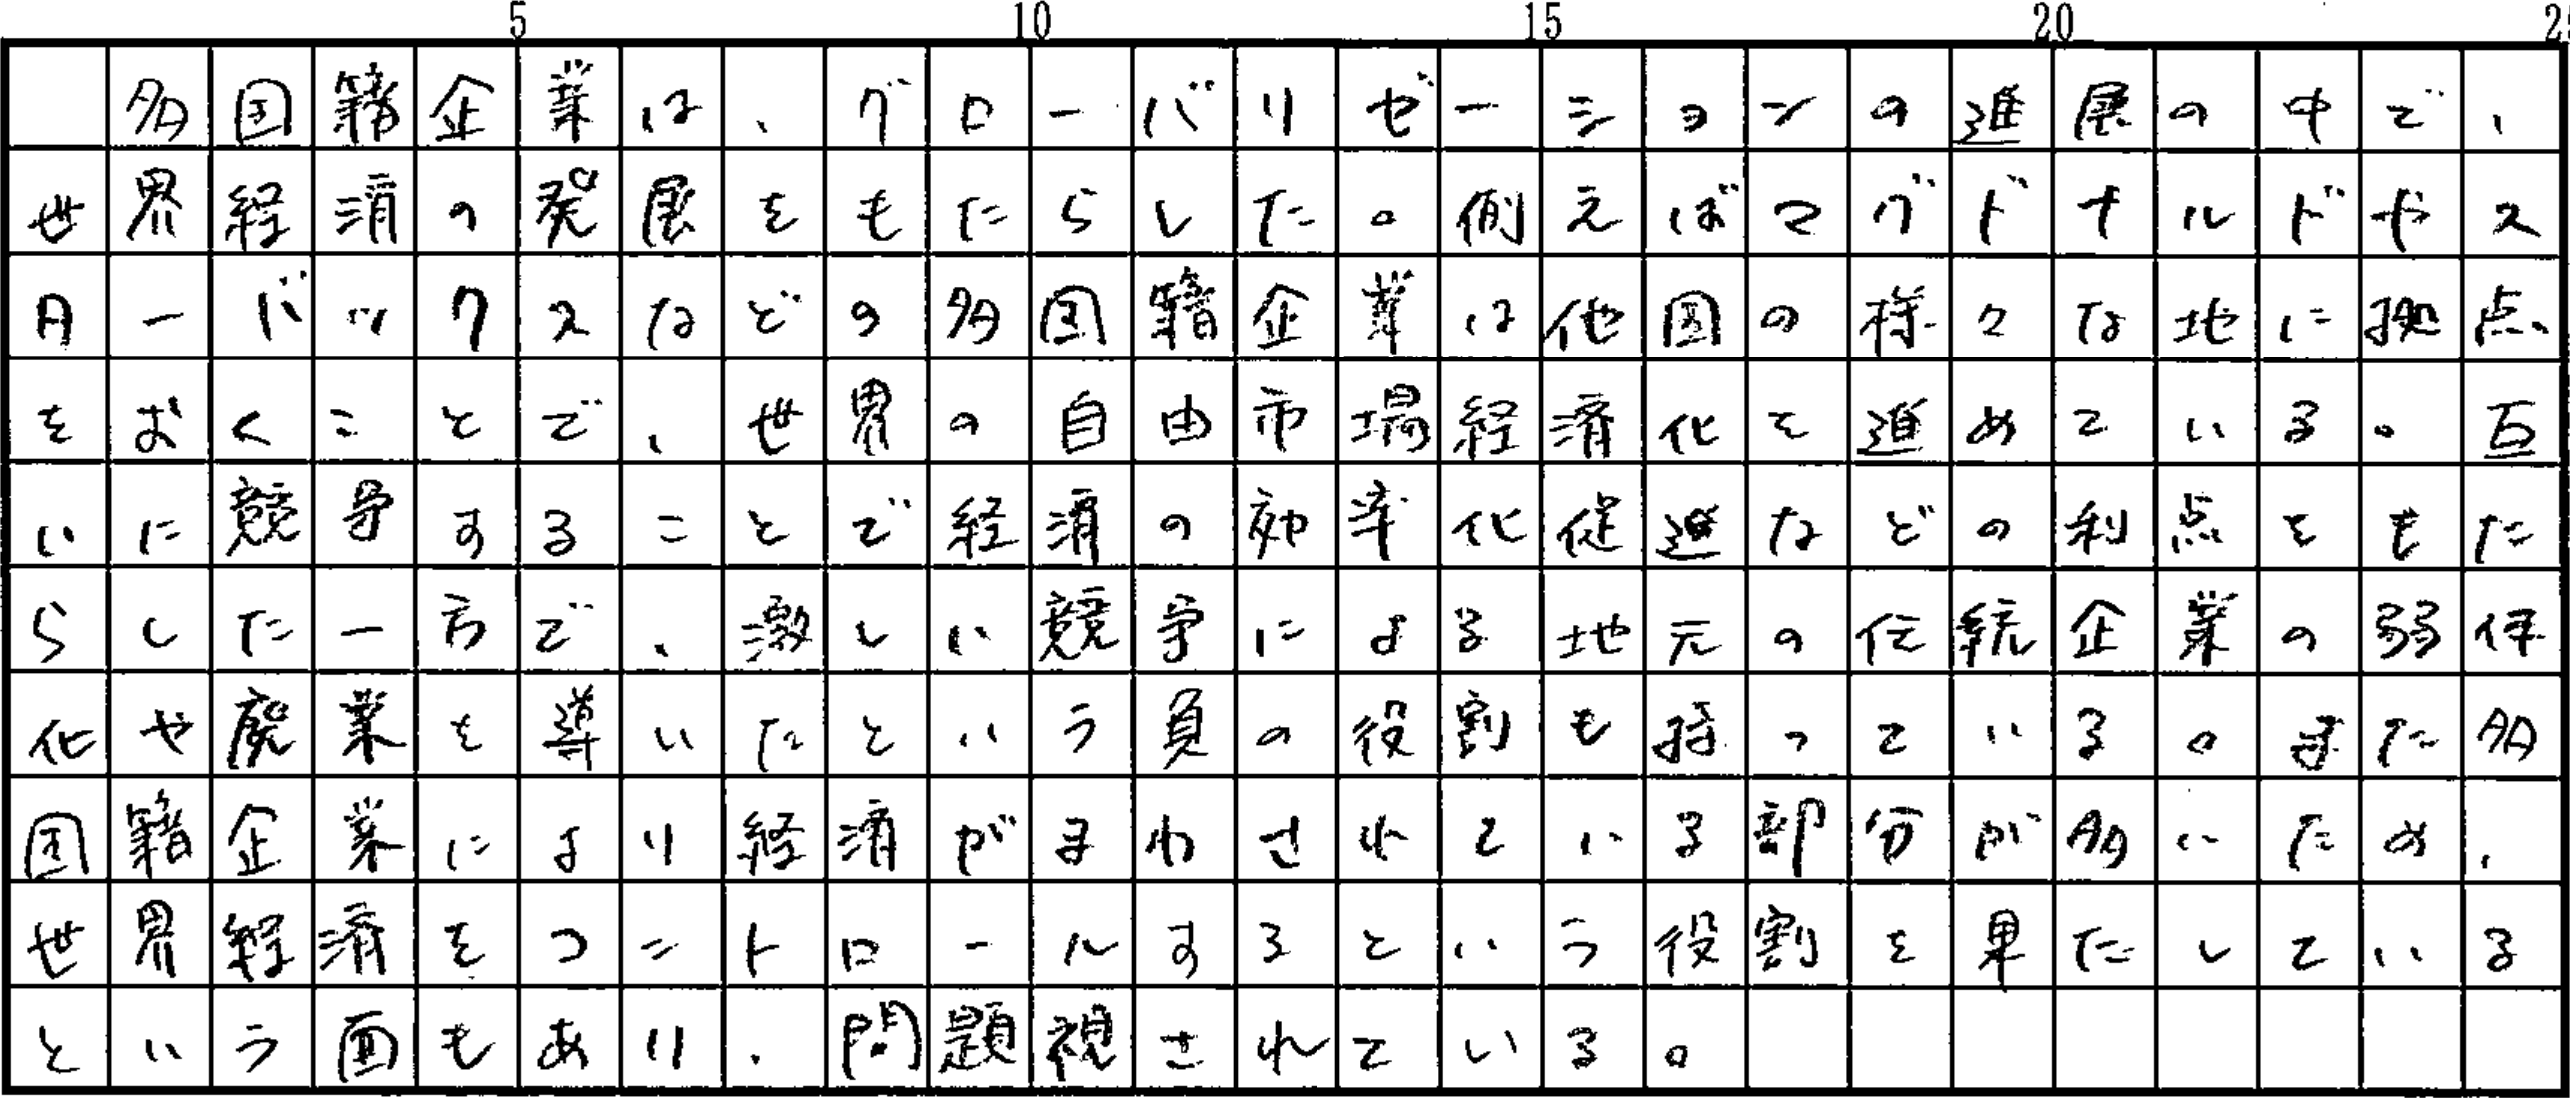　多国籍企業は、グローバリゼーションの進展の中で、世界経済の発展をもたらした。例えばマグドナルドやスターバックスなどの多国籍企業は他国の様々な地に拠点をおくことで、世界の自由市場経済化を進めている。互いに競争することで経済の効率化促進などの利点をもたらした一方で、激しい競争による地元の伝統企業の弱体化や廃業を導いたという負の役割も持っている。また多国籍企業により経済がまわされている部分が多いため、世界経済をコントロールするという役割を果たしているという面もあり、問題視されている。
